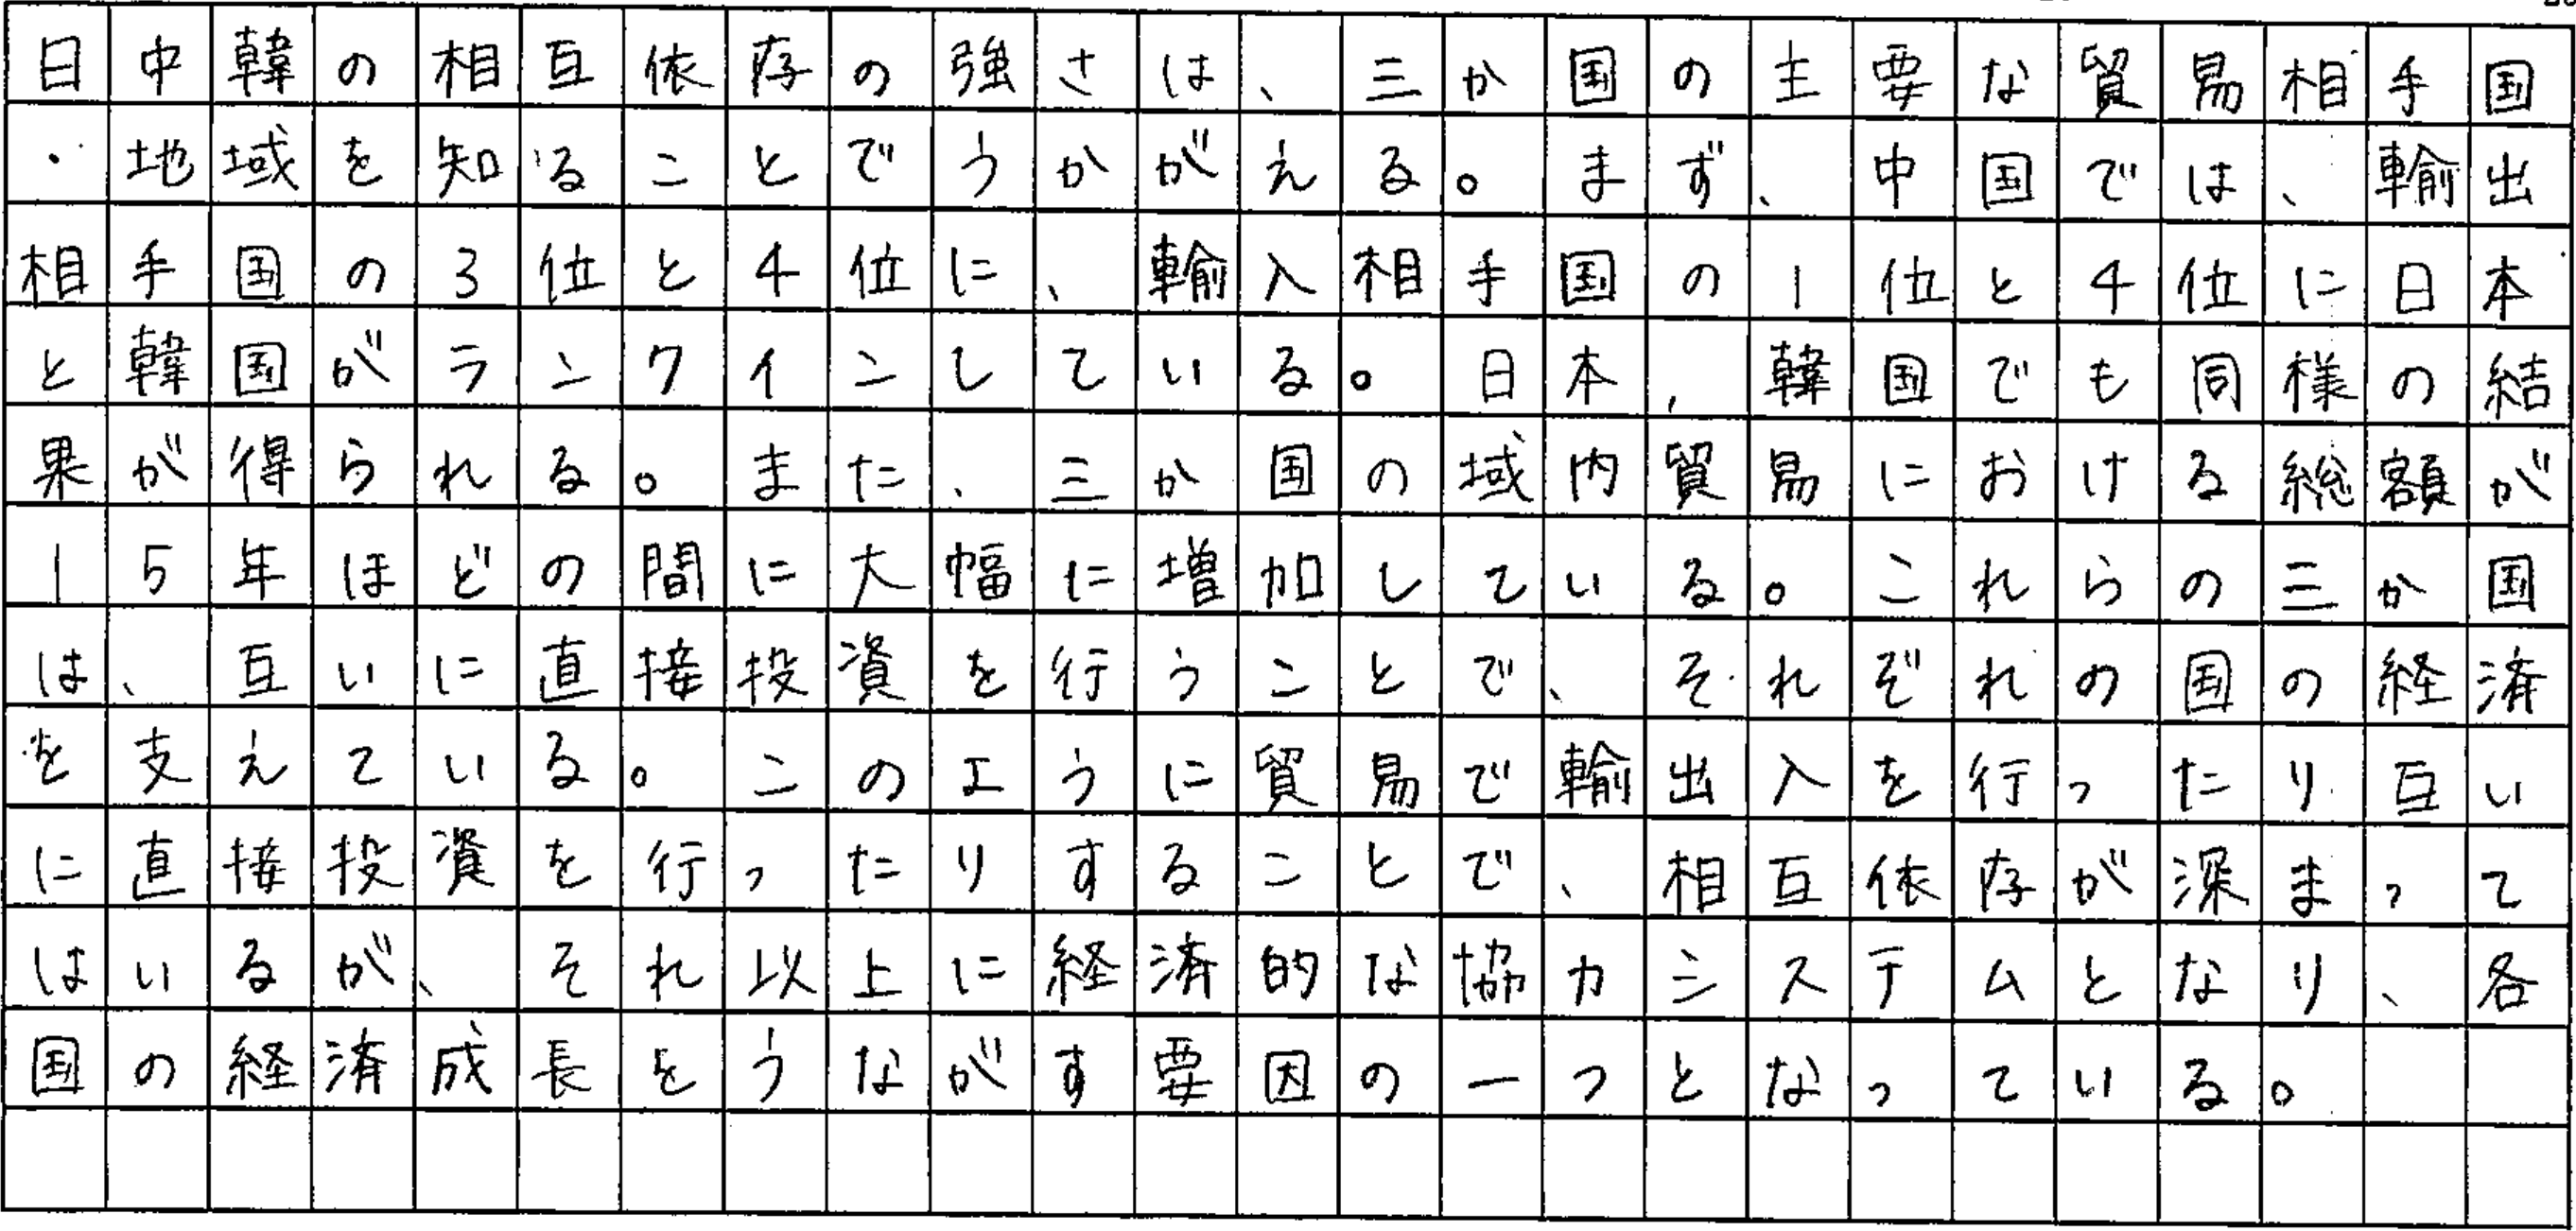日中韓の相互依存の強さは、三か国の主要な貿易相手国・地域を知ることでうかがえる。まず、中国では、輸出相手国の３位と４位に、輸入相手国の１位と４位に日本と韓国がランクインしている。日本，韓国でも同様の結果が得られる。また、三か国の域内貿易における総額が１５年ほどの間に大幅に増加している。これらの三か国は、互いに直接投資を行うことで、それぞれの国の経済を支えている。このように貿易で輸出入を行ったり互いに直接投資を行ったりすることで、相互依存が深まってはいるが、それ以上に経済的な協力システムとなり、各国の経済成長をうながす要因の一つとなっている。
